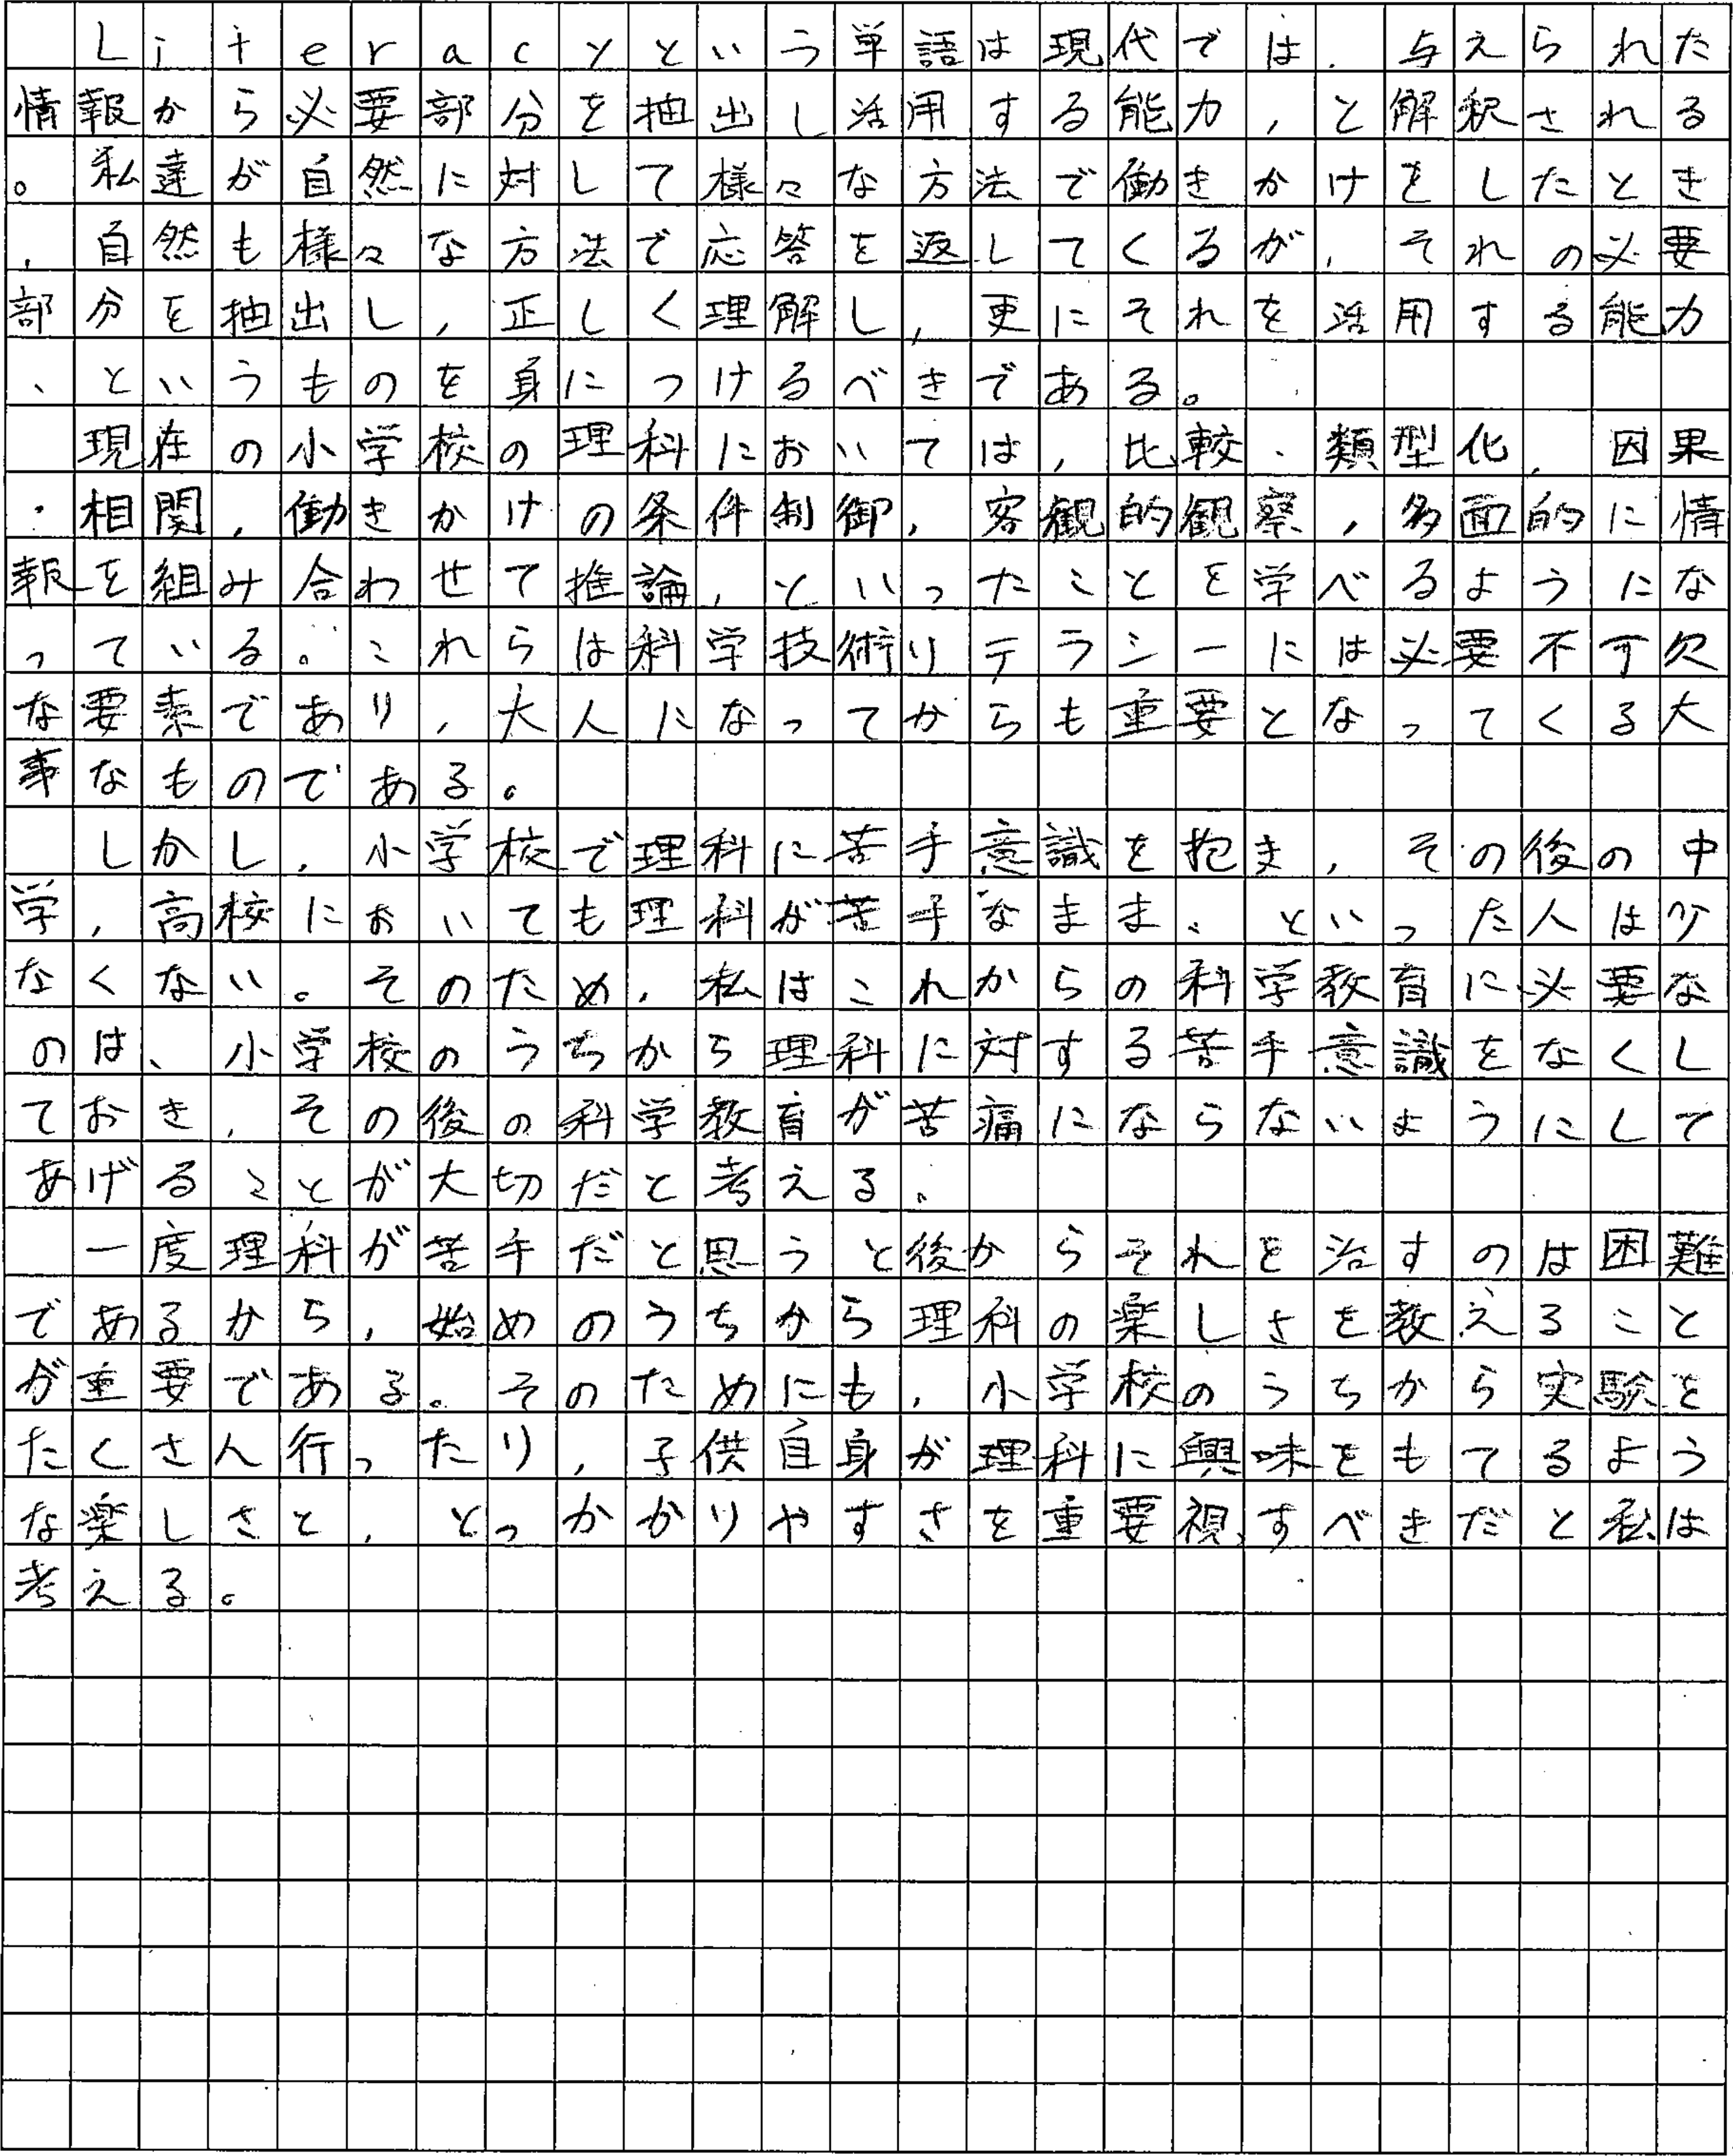　Ｌｉｔｅｒａｃｙという単語は現代では、与えられた情報から必要部分を抽出し活用する能力、と解釈される。私達が自然に対して様々な方法で働きかけをしたとき、自然も様々な方法で応答を返してくるが、それの必要部分を抽出し、正しく理解し、更にそれを活用する能力、というものを身につけるべきである。
　現在の小学校の理科においては、比較・類型化、因果・相関、働きかけの条件制御、客観的観察、多面的に情報を組み合わせて推論、といったことを学べるようになっている。これらは科学技術リテラシーには必要不可欠な要素であり、大人になってからも重要となってくる大事なものである。
　しかし、小学校で理科に苦手意識を抱き、その後の中学、高校においても理科が苦手なまま、といった人は少なくない。そのため、私はこれからの科学教育に必要なのは、小学校のうちから理科に対する苦手意識をなくしておき、その後の科学教育が苦痛にならないようにしてあげることが大切だと考える。
　一度理科が苦手だと思うと後からそれを治すのは困難であるから、始めのうちから理科の楽しさを教えることが重要である。そのためにも、小学校のうちから実験をたくさん行ったり、子供自身が理科に興味をもてるような楽しさと、とっかかりやすさを重要視すべきだと私は考える。
